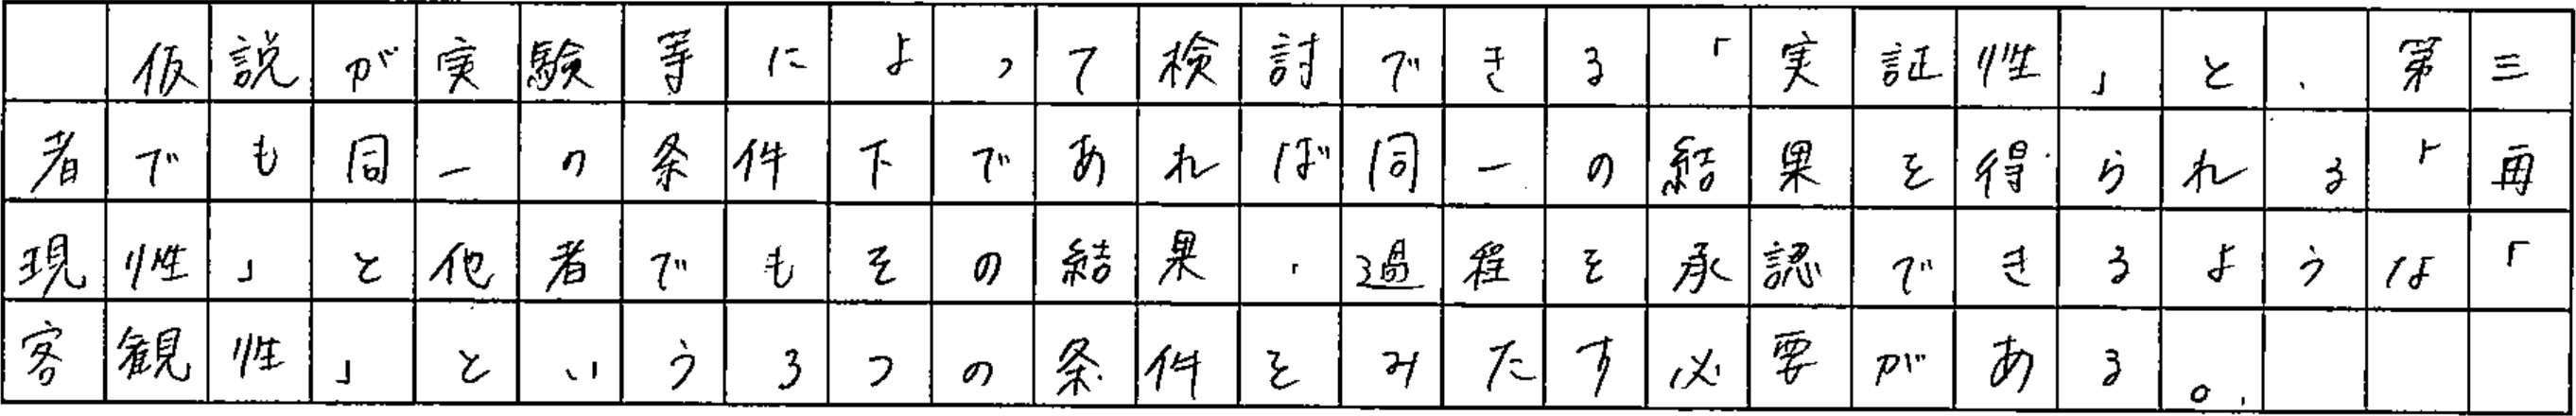　仮説が実験等によって検討できる「実証性」と、第三者でも同一の条件下であれば同一の結果を得られる「再現性」と他者でもその結果・過程を承認できるような「客観性」という３つの条件をみたす必要がある。
